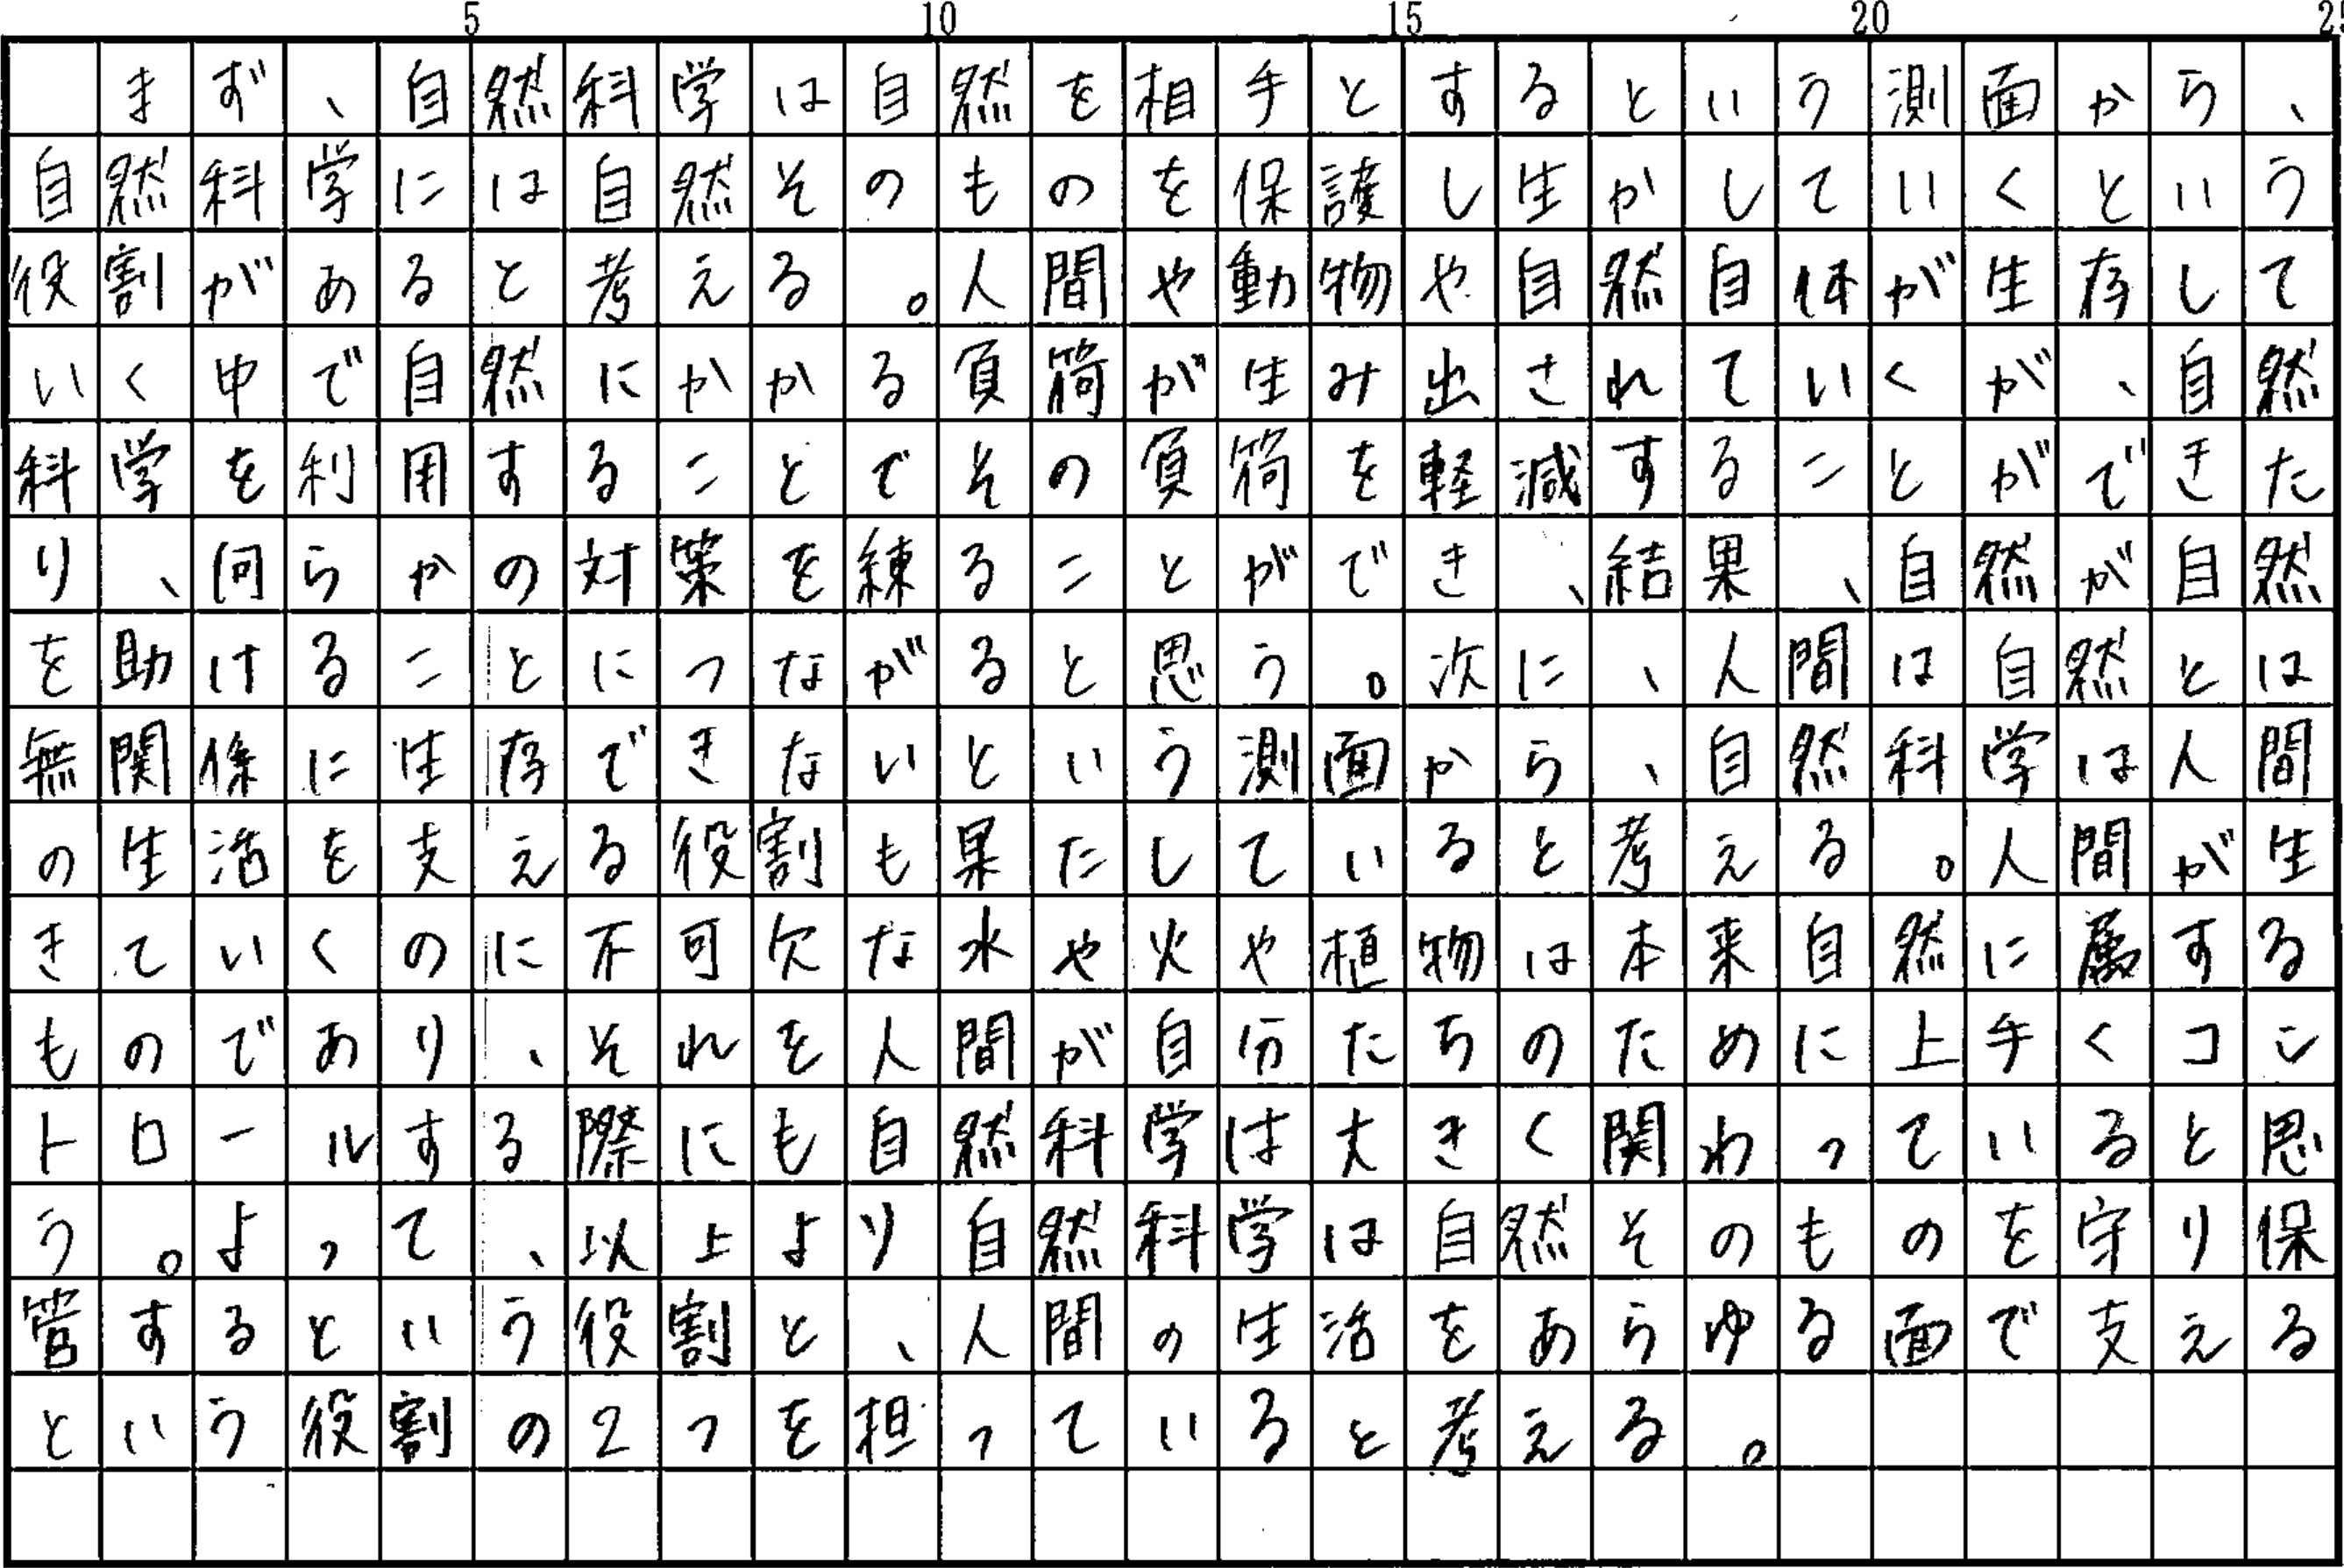　まず、自然科学は自然を相手とするという測面から、自然科学には自然そのものを保護し生かしていくという役割があると考える。人間や動物や自然自体が生存していく中で自然にかかる負▁が生み出されていくが、自然科学を利用することでその負▁を軽減することができたり、何らかの対策を練ることができ、結果、自然が自然を助けることにつながると思う。次に、人間は自然とは無関係に生存できないという測面から、自然科学は人間の生活を支える役割も果たしていると考える。人間が生きていくのに不可欠な水や火や植物は本来自然に属するものであり、それを人間が自分たちのために上手くコントロールする際にも自然科学は大きく関わっていると思う。よって、以上より自然科学は自然そのものを守り保管するという役割と、人間の生活をあらゆる面で支えるという役割の２つを担っていると考える。
